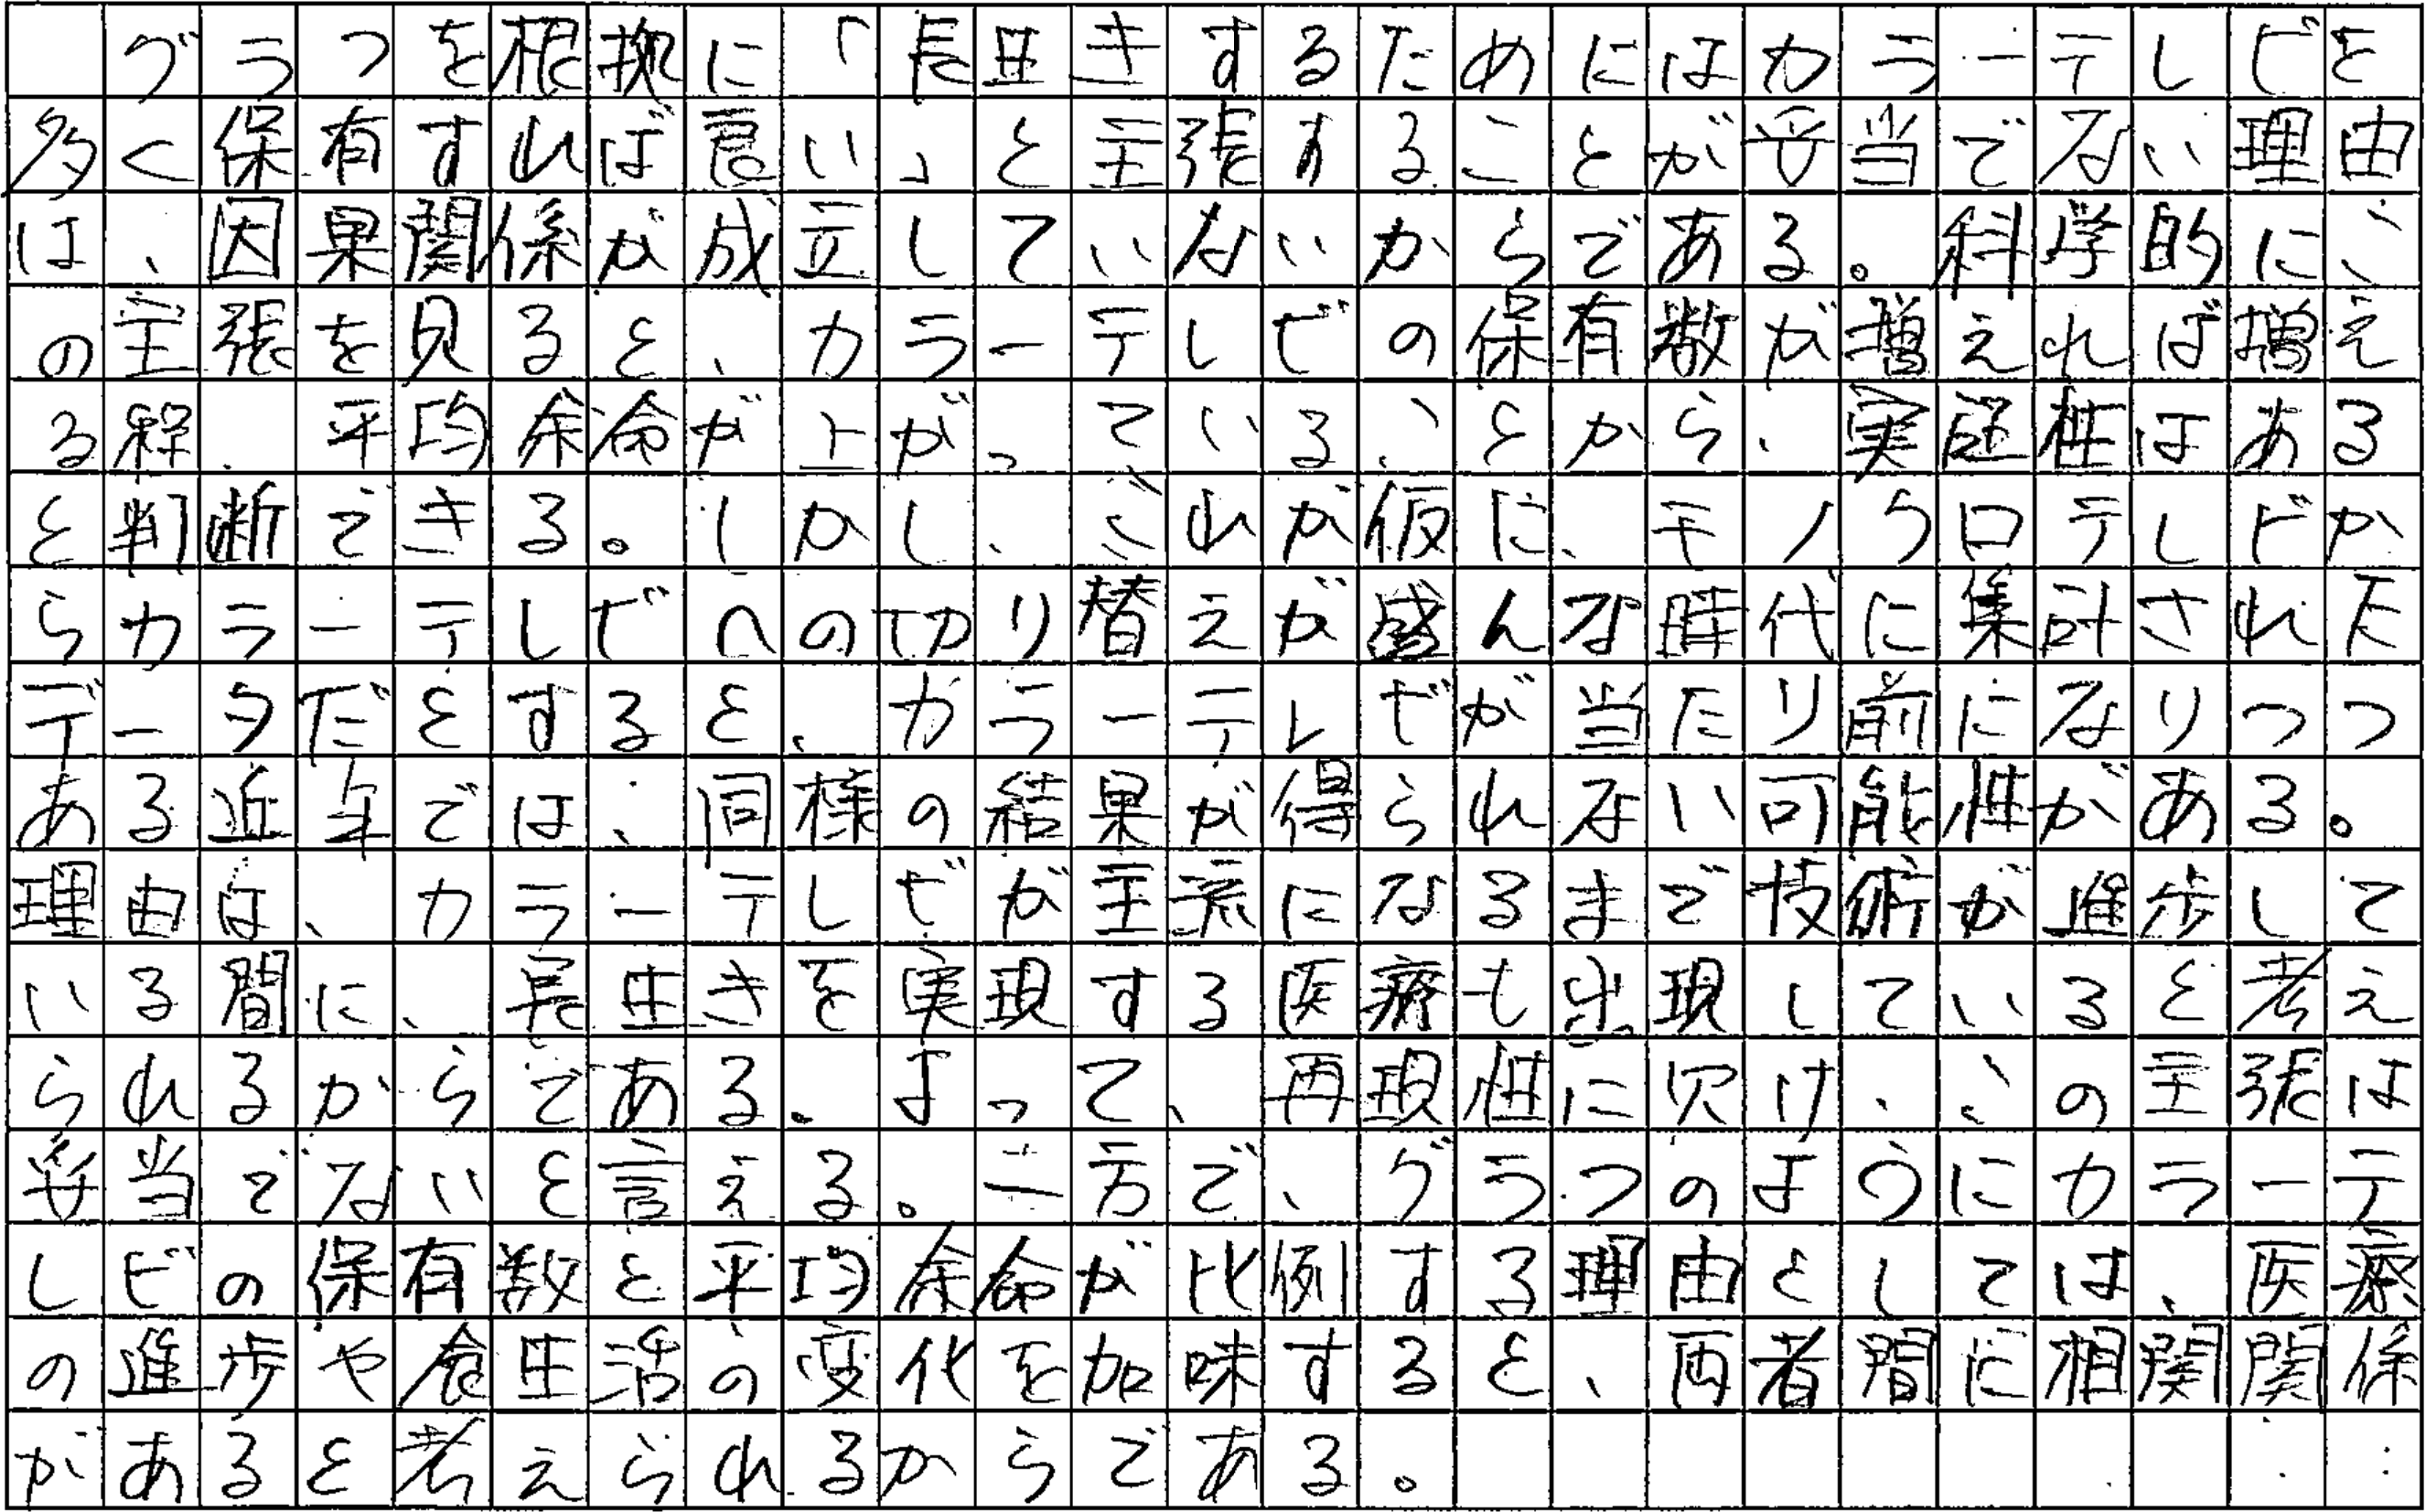　グラフを根拠に「長生きするためにはカラーテレビを多く保有すれば良い」と主張することが妥当でない理由は、因果関係が成立していないからである。科学的にこの主張を見ると、カラーテレビの保有数が増えれば増える程．平均余命が上がっていることから、実証性はあると判断できる。しかし、これが仮に、モノクロテレビからカラーテレビへの切り替えが盛んな時代に集▁されたデータだとすると、カラーテレビが当たり前になりつつある近年では、同様の結果が得られない可能性がある。理由は、カラーテレビが主流になるまで技術が進歩している間に、長生きを実現する医療も出現していると考えられるからである。よって、再現性に欠け、この主張は妥当でないと言える。一方で、グラフのようにカラーテレビの保有数と平均余命が比例する理由としては、医療の進歩や食生活の変化を加味すると、両者間に相関関係があると考えられるからである。
